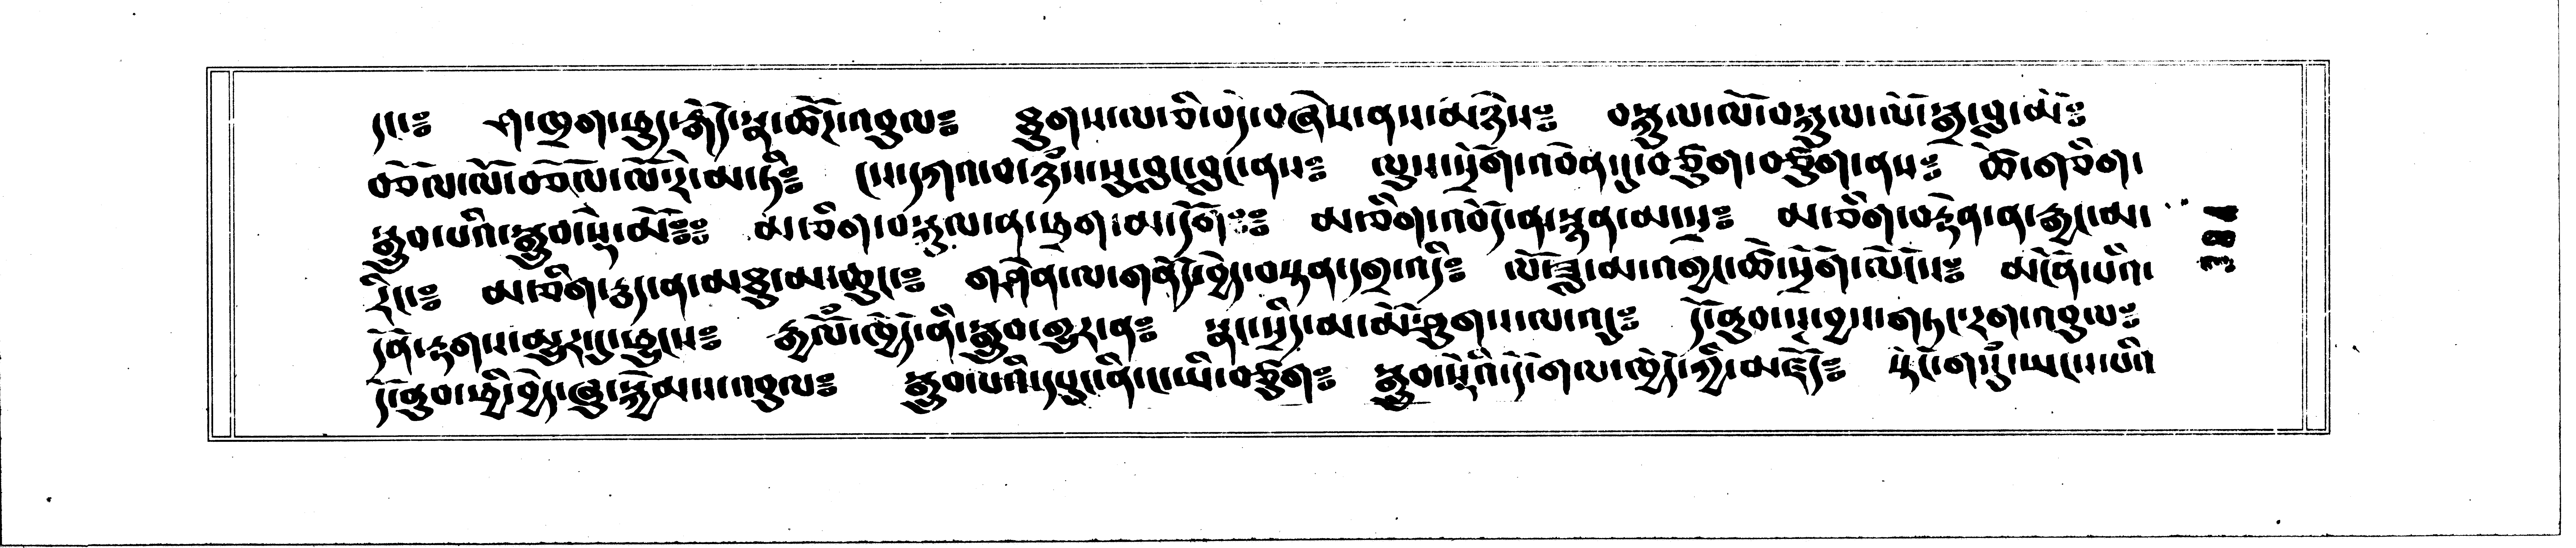དང་༔ ཤ་ཁྲག་ཕུད་རྒོད་སྣ་ཚོགས་འབུལ༔ ཐུགས་ལ་ཅི་བདེ་བཞེས་ནས་མཉེས༔ བསྐུལ་ལོ་བསྐུལ་ལོ་སྒྲ་བླ་མོ༔ 
བཅོལ་ལོ་བཅོལ་ལོ་རེ་མ་ཏི༔ ངས་དཀའ་བ་ཉམས་སུ་བླང་བླང་ནས༔ ལུས་སྲོག་འབེན་དུ་བཙུགས་བཙུགས་ནས༔ ཚེ་གཅིག་
སྒྲུབ་པའི་སྒྲུབ་སྡེ་མོ༔ མ་ཅིག་བསྐུལ་ན་ཕྲག་མ་དོག༔༔ མ་ཅིག་འབོད་ན་སྙན་མ་སྲ༔ མ་ཅིག་བརྟེན་ན་རྒྱང་མ་
རིང་༔ མ་ཅིག་རྦད་ན་མཐུ་མ་ཆུང་༔ གཤེན་ལ་གནོད་བྱེད་བསྟན་དགྲ་འདི༔ ལོ་ཟླ་མ་འགྱང་ཚེ་སྲོག་ལོངས༔ མངོན་པའི་
དོན་རྟགས་མྱུར་དུ་ཕྱུངས༔ རྒྱལ་མོ་ཁྱོད་ནི་སྒྲུབ་གྱུར་ན༔ སྣང་སྲིད་མ་མོ་ཤུགས་ལ་འདུ༔ དོ་ནུབ་སྔ་བྱས་གཏང་རག་འབུལ༔
དོ་ནུབ་ཕྱི་བྱེད་ཞུ་སྐྱེམས་འབུལ༔ སྒྲུབ་པའི་དཔུང་ནི་ང་ཡིས་བཙུགས༔ སྒྲུབ་སྡེའི་དོ་གལ་ཁྱོད་ཀྱིས་མཛོད༔ སྟོང་གསུམ་ཡངས་པའི་